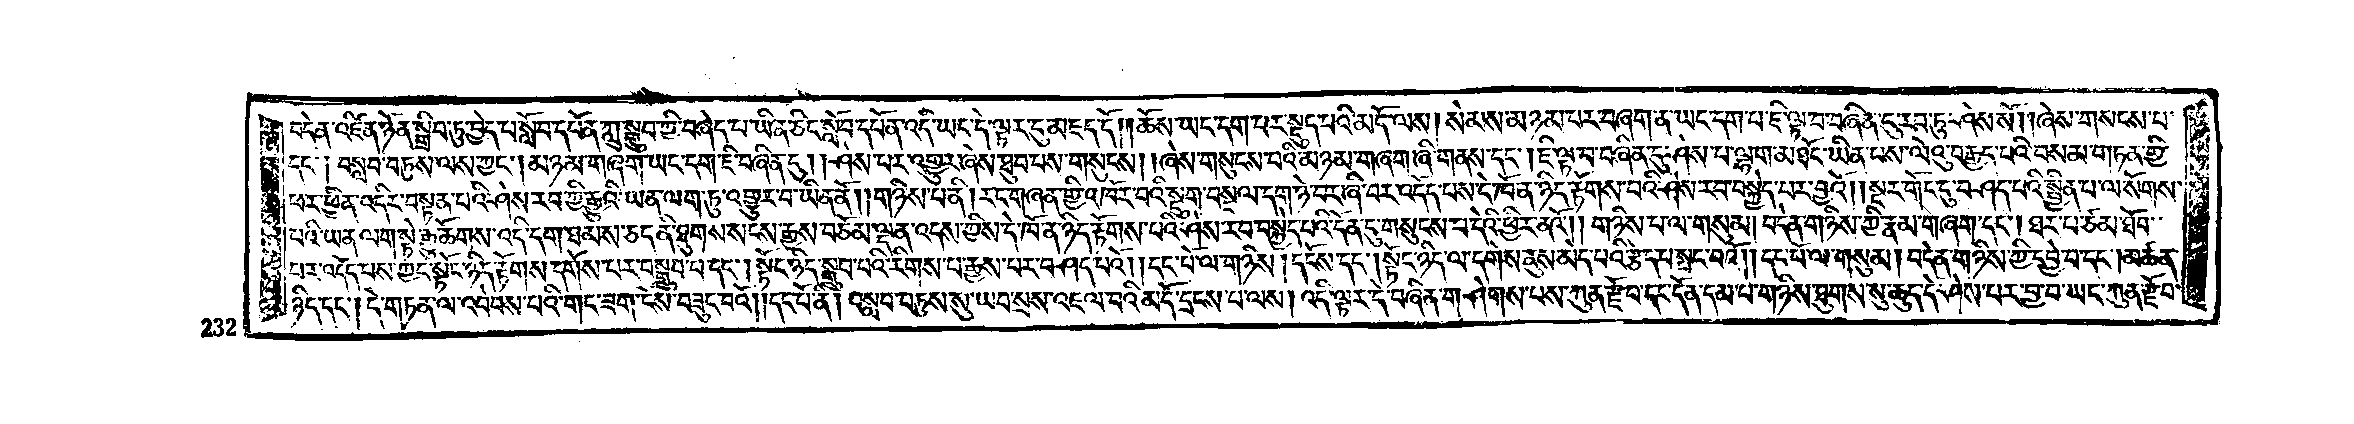བདེན་འཛིན་ཉོན་སྒྲིབ་ཏུ་བྱེད་པ་སློབ་དཔོན་ཀླུ་སྒྲུབ་ཀྱི་བཞེད་པ་ཡིན་ཅིང་སློབ་དཔོན་འདི་ཡང་དེ་ལྟར་དུ་མཛད་དོ། །ཆོས་ཡང་དག་པར་སྡུད་པའི་མདོ་ལས། སེམས་མཉམ་པར་བཞག་ན་ཡང་དག་པ་ཇི་ལྟ་བ་བཞིན་དུ་རབ་ཏུ་ཤེས་སོ། །ཞེས་གསངས་བ་
དང༑ བསླབ་བཏུས་ལས་ཀྱང་། མཉམ་གཞག་ཡང་དག་ཇི་བཞིན་དུ། །ཞེས་པར་འགྱུར་ཞེས་ཐུབ་པས་གསུངས། །ཞེས་གསུངས་པའི་མྱམ་གཞག་ཞི་གནས་དང་། ཇི་ལྟ་བ་བཞིན་དུ་ཤེས་པ་ལྷག་མཐོང་ཡིན་པས་ལེའུ་བརྒྱད་པའི་བསམ་གཏན་གྱི་
ཕར་ཕྱིན་འདིར་བསྟན་པའི་ཤེས་རབ་ཀྱི་རྒྱུའི་ཡན་ལག་ཏུ་འགྱུར་བ་ཡིན་ནོ། །གཉིས་པ་ནི། རང་གཞན་གྱི་འཁོར་བའི་སྡུག་བསྔལ་དག་ཉེ་བར་ཞི་བར་འདོད་པས་དེ་ཁོ་ན་ཉིད་རྟོགས་པའི་ཤེས་རབ་བསྐྱེད་པར་བྱའོ། །སྔར་གོང་དུ་བཤད་པའི་སྦྱིན་པ་ལ་སོགས་
པའི་ཡན་ལག་སྟེ་རྒྱུ་ཚོགས་འདི་དག་ཐམས་ཅད་ནི་ཐུགས་སངས་རྒྱས་བཅོམ་ལྡན་འདས་ཀྱིས་དེ་ཁོ་ན་ཉིད་རྟོགས་པའི་ཤེས་རབ་བསྐྱེད་པའི་དོན་དུ་གསུངས་པ་དེའི་ཕྱིར་ནའོ། །གཉིས་པ་ལ་གསུམ། བདེན་གཉིས་ཀྱི་རྣམ་གཞག་དང་། ཐར་པ་ཙམ་ཐོབ་
པར་འདོད་པས་ཀྱང་སྟོང་ཉིད་རྟོགས་དགོས་པར་བསྒྲུབ་པད་ནག། སྟོང་ཉིད་སྒྲུབ་པའི་རིགས་པ་རྒྱས་པར་བཤད་པའོ། །དང་པོ་ལ་གཉིས། དངོས་དང་། སྟོང་ཉིད་ལ་དགོས་ནུས་མེད་པའི་རྩེད་པ་སྤང་བའོ། །དང་པོ་ལ་གསུམ། བདེན་གཉིས་ཀྱི་དབྱེ་བ་དང་། མཚན་
ཉིད་དང་། དེ་གཏན་ལ་འབེབས་པའི་གང་ཟག་ངེས་བཟུང་བའོ། །དང་པོ་ནི། བསླབ་བཏུས་སུ་ཡབ་སྲས་འཇལ་བའི་མདོ་དྲངས་པ་ལས། འདི་ལྟར་དེ་བཞིན་གཤེགས་པས་ཀུན་རྫོབ་དང་དོན་དམ་པ་གཉིས་ཐུགས་སུ་ཆུད་དེ་ཤེས་པར་བྱ་བ་ཡང་ཀུན་རྫོབ་